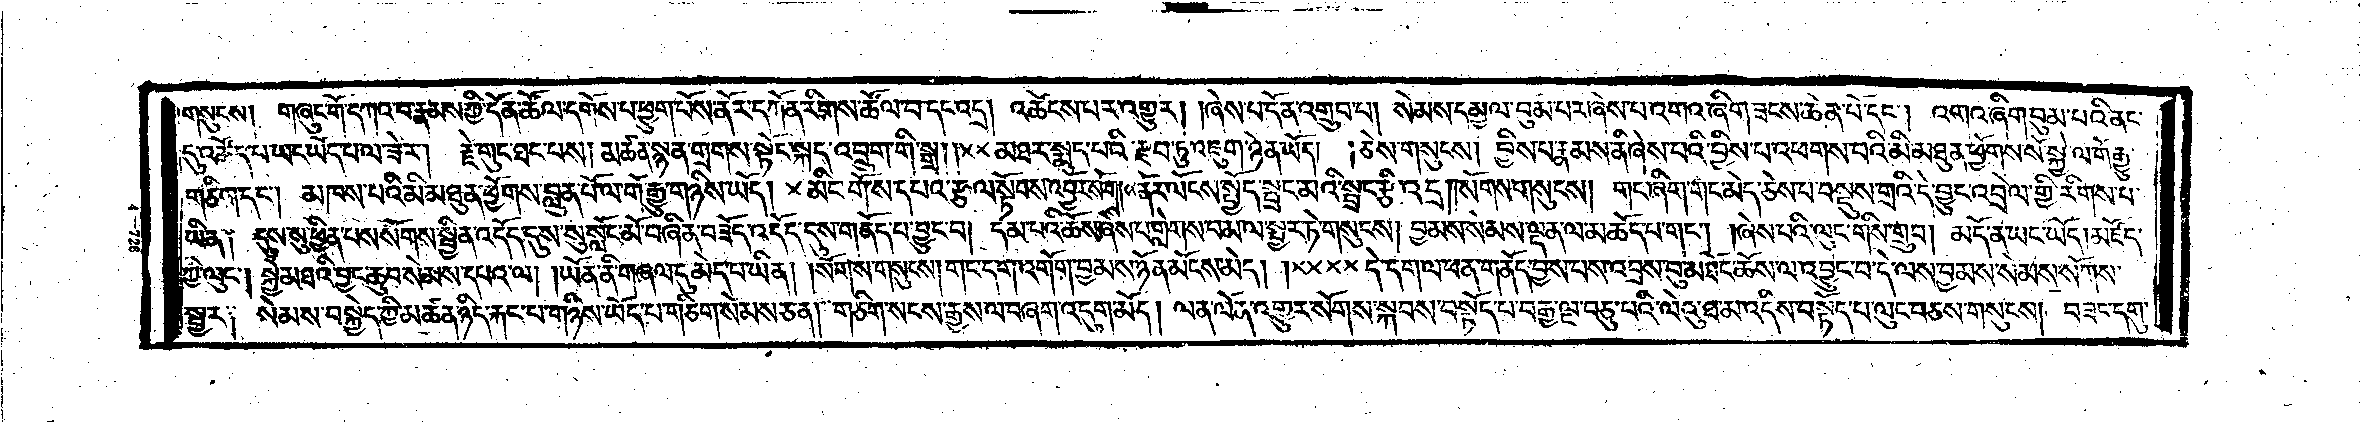གསུངས། གཞུང་གོ་དཀའ་བ་རྣམས་ཀྱི་དོན་ཚོལ་དགོས་པ་ཕྱུག་པོས་ནོར་དཀོན་རིགས་ཚོལ་བ་དང་འདྲ། འཆོངས་པར་འགྱུར། །ཞེས་པ་དོན་འགྲུབ་པ། སེམས་དམྱལ་བུམ་པར་ཞེས་པ་འགའ་ཞིག་ཟངས་ཆེན་པོ་དང་། འགའ་ཞིག་བུམ་པའི་ནང་
དུ་འཚོད་པ་ཡང་ཡོད་པ་ལ་ཟེར། རྗེ་གུང་ཐང་པས། མཚན་སྙན་གྲགས་སྟོང་སྐད་འབྲུག་གི་སྒྲ། །྾་྾་མཐར་སྨུད་པའི་རྗབ་ཏུ་འཇུག་ཉེན་ཡོད། །ཅེས་གསུངས། བྱིས་པ་རྣམས་ནི་ཞེས་པའི་བྱིས་པ་འཕགས་བའི་མི་མཐུན་ཕྱོགས་སོ་སྐྱེ་ལ་གོ་རྒྱུ་
གཅིག་དང་། མཁས་པའི་མི་མཐུན་ཕྱོགས་བླུན་པོ་ལ་གོ་རྒྱུ་གཉིས་ཡོད། ྾་མིང་གོ་ས་དཔའ་རྩལ་སྟོབས་འབྱོར་སོགས། ནོར་ལོངས་སྤྱོད་སྦྲང་མའི་སྦྲང་རྩི་འདྲ། །སོགས་གསུངས། གང་ཞིག་གང་མེད་ཅེས་པ་བསྡུས་གྲའི་དེ་བྱུང་འབྲེལ་གྱི་རིགས་པ་
ཡིན༑ དུས་སུ་ཕྱིན་པས་སོགས་སྦྱིན་འདོད་དུས་སུ་སློང་མོ་བཞིན་བཟོད་འདོད་དུས་གནོད་པ་བྱུང་བ། དམ་པའི་ཆོས་ཞེས་པ་གླེགས་བམ་ལ་སྦྱར་ཏེ་གསུངས། བྱམས་སེམས་ལྡན་ལ་མཆོད་པ་གང་། །ཞེས་པའི་ལུང་གིས་གྲུབ། མདོ་ན་ཡང་ཡོད། མཛོད་
ཀྱི་ལུང་། སྐྱེ་མཐའི་བྱང་ཆུབ་སེམས་དཔའ་ལ། །ཡོན་ནི་གཞལ་དུ་མེད་པ་ཡིན། །སོགས་གསུངས། གང་དག་འགོག་བྱམས་ཉོན་མོངས་མེད། །྾་྾་྾་྾་དེ་དག་ལ་ཕན་གནོད་བྱས་པས་འབྲས་བུ་མཐོང་ཆོས་ལ་འབྱུང་བ་དེ་ལས་བྱམས་སེམས་སོགས་
སྦྱར༑ སེམས་བསྐྱེད་ཀྱི་མཚན་ཉིད་རྐང་པ་གཉིས་ཡོད་པ་གཅིག་སེམས་ཅན། གཅིག་སངས་རྒྱས་ལ་བཞག་འདུག་མོད། ལན་ལོན་འགྱུར་སོགས་སྐབས་བསྟོད་པ་བརྒྱ་ལྔ་བཅུ་པའི་ལེའུ་ཐ་མ་འདིས་བསྟོད་པ་ལུང་བཅས་གསུངས། བཟང་དགུ་